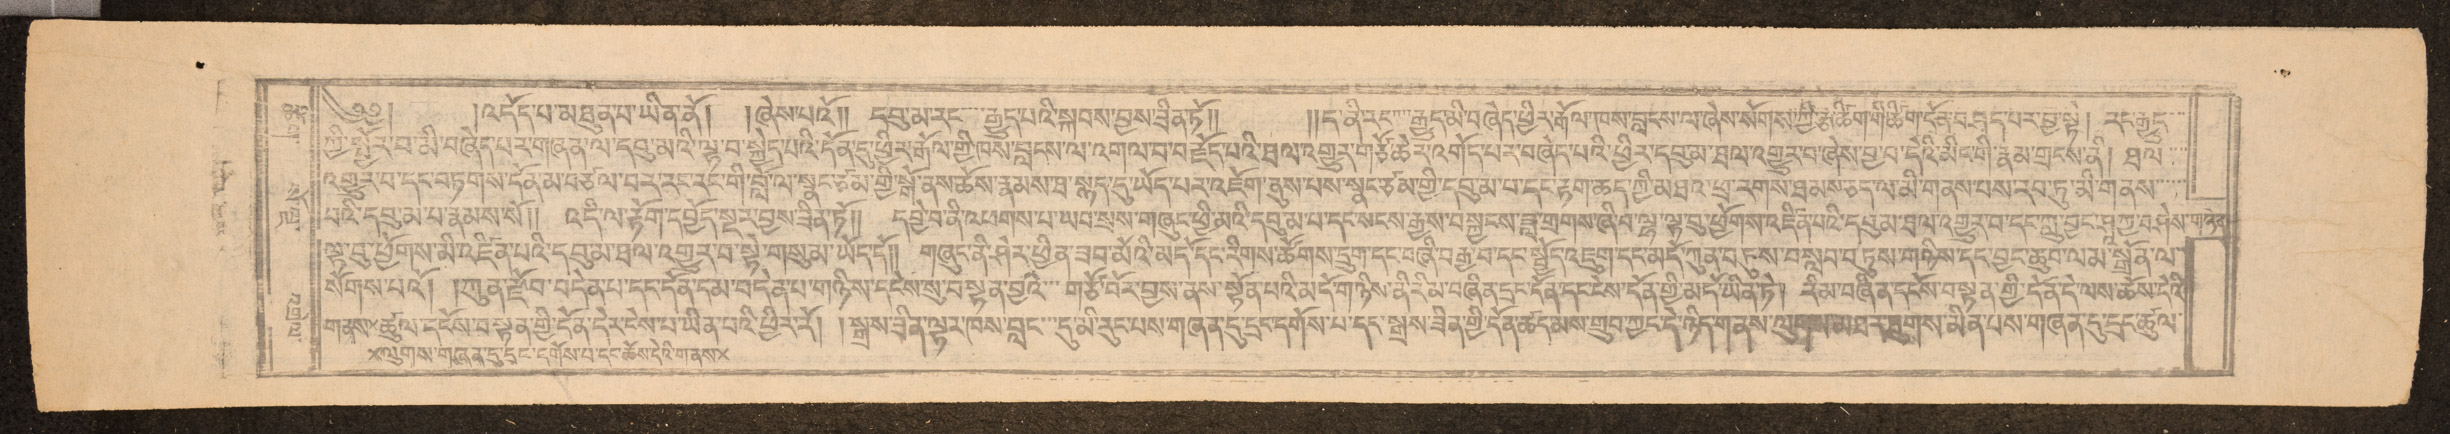༄༅། །འདོད་པ་མཐུན་པ་ཡིན་ནོ། །ཞེས་པའོ།། དབུ་མ་རང་རྒྱུད་པའི་སྐབས་བྱས་ཟིན་ཏོ།། །།ད་ནི་རང་རྒྱུད་མི་བཞེད་ཕྱིར་རྒོལ་ཁས་བླངས་ལ་ཞེས་སོགས་ཀྱི་རྩ་ཚིག་གི་ཚིག་དོན་བཤད་པར་བྱ་སྟེ། རང་རྒྱུད་
ཀྱི་སྤྱོར་བ་མི་བཞེད་པར་གཞན་ལ་དབུ་མའི་ལྟ་བ་སྐྱེད་པའི་དོན་དུ་ཕྱིར་རྒོལ་གྱི་ཁས་བླངས་ལ་འགལ་བ་བརྗོད་པའི་ཐལ་འགྱུར་གཙོ་ཆེར་འགོད་པར་བཞེད་པའི་ཕྱིར་དབུ་མ་ཐལ་འགྱུར་བ་ཞེས་བྱ་བ་དེའི་མིང་གི་རྣམ་གྲངས་ནི། ཐལ་
འགྱུར་བ་དང་བཏགས་དོན་མ་བཙལ་བར་རང་རང་གི་བློ་ལ་སྣང་ཙམ་གྱི་སྒོ་ནས་ཆོས་རྣམས་ཐ་སྙད་དུ་ཡོད་པར་འཇོག་ནུས་པས་སྣང་ཙམ་གྱི་དབུ་མ་པ་དང་རྟག་ཆད་ཀྱི་མཐའ་ཕྲ་རགས་ཐམས་ཅད་ལ་མི་གནས་པས་རབ་ཏུ་མི་གནས་
པའི་དབུ་མ་པ་རྣམས་སོ།། འདི་ལ་རྟོག་དཔྱོད་སྔར་བྱས་ཟིན་ཏོ།། དབྱེ་བ་ནི་འཕགས་པ་ཡབ་སྲས་གཞུང་ཕྱི་མའི་དབུ་མ་པ་དང་སངས་རྒྱས་བསྐྱངས་ཟླ་གྲགས་ཞི་བ་ལྷ་ལྟ་བུ་ཕྱོགས་འཛིན་པའི་དབུ་མ་ཐལ་འགྱུར་བ་དང་ཀླུ་བྱང་ཤཱཀྱ་བཤེས་གཉེན་
ལྟ་བུ་ཕྱོགས་མི་འཛིན་པའི་དབུ་མ་ཐལ་འགྱུར་བ་སྟེ་གསུམ་ཡོད་དོ།། གཞུང་ནི་ཤེར་ཕྱིན་ཟབ་མོའི་མདོ་དང་རིགས་ཚོགས་དྲུག་དང་བཞི་བརྒྱ་བ་དང་སྤྱོད་འཇུག་དང་མདོ་ཀུན་བཏུས་བསླབ་བཏུས་གཉིས་དང་བྱང་ཆུབ་ལམ་སྒྲོན་ལ་
སོགས་པའོ། །ཀུན་རྫོབ་བདེན་པ་དང་དོན་དམ་བདེན་པ་གཉིས་དངེས་སུ་བསྟན་བྱའི་གཙོ་བོར་བྱས་ནས་སྟོན་པའི་མདོ་གཉིས་ནི་རིམ་བཞིན་དྲང་དོན་དང་ངེས་དོན་གྱི་མདོ་ཡིན་ཏེ། རིམ་བཞིན་དངོས་བསྟན་གྱི་དོན་དེ་ལས་ཆོས་དེའི་
གནས་྾་ཚུལ་དངོས་བསྟན་གྱི་དོན་དེར་ངེས་པ་ཡིན་པའི་ཕྱིར་རོ། །སྒྲས་ཟིན་ལྟར་ཁས་བླང་དུ་མི་རུང་བས་གཞན་དུ་དྲངས་དགོས་པ་དང་སྒྲས་ཟིན་གྱི་དོན་ཚད་མས་གྲུབ་ཀྱང་དེ་ཉིད་གནས་ལུགས་མཐར་ཐུགས་མིན་པས་གཞན་དུ་དྲང་ཚུལ་
྾་ལུགས་གཞན་དུ་དྲང་དགོས་པ་དང་ཆོས་དེའི་གནས་྾་